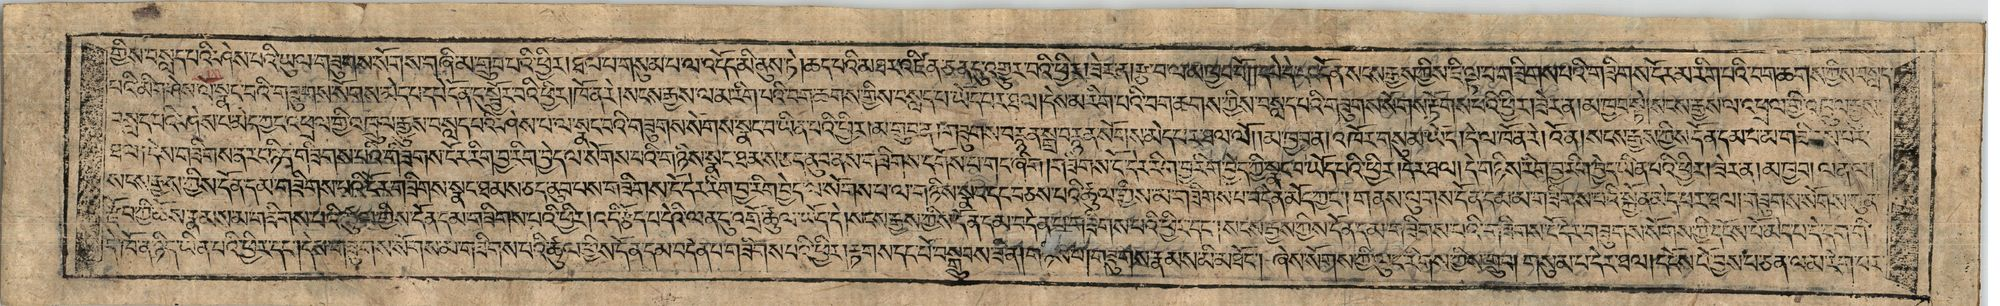གྱིས་བསླད་པའི་ཤེས་པའི་ཡུལ་གཟུགས་སོགས་གཞི་མ་གྲུབ་པའི་ཕྱིར། ཐལ་པ་གསུམ་པ་ལ་འདོད་མི་ནུས་ཏེ། ཆད་པའི་མཐར་འཛིན་ཅན་དུ་འགྱུར་བའི་ཕྱིར། ཟེར་ན། རྩ་བ་ལ་མ་ཁྱབ་བོ། །དཔེ་དེ་དང་དོན་སངས་རྒྱས་ཀྱིས་ཇི་ལྟ་བ་གཟིགས་པའི་གཟིགས་ངོར་མ་རིག་པའི་བག་ཆགས་ཀྱིས་བསླད་
པའི་མིག་ཤེས་ལ་སྣང་བའི་གཟུགས་སོགས་མེད་པ་དཔེ་དོན་དུ་སྦྱོར་བའི་ཕྱིར། ཁོ་ན་རེ། སངས་རྒྱས་ལ་མ་རིག་པའི་བག་ཆགས་ཀྱིས་བསླད་པ་ཡོད་པར་ཐལ། དེས་མ་རིག་པའི་བག་ཆགས་ཀྱིས་བསླད་པའི་གཟུགས་སོགས་རྟོགས་པའི་ཕྱིར། ཟེར་ན། མ་ཁྱབ་སྟེ། སངས་རྒྱས་ལ་འཕྲལ་གྱི་འཁྲུལ་རྒྱུས་
བསླད་པའི་ཤེས་པ་མེད་ཀྱང་འཕྲལ་གྱི་འཁྲུལ་རྒྱུས་བསླད་པའི་ཤེས་པ་ལ་སྣང་བའི་གཟུགས་སོགས་སྣང་བ་ཡིན་པའི་ཕྱིར། མ་གྲུབ་ན། གཟུགས་བརྙན་ས་?་བརྙན་སོགས་མེད་པར་ཐལ་ལོ། །མ་ཁྱབ་ན། འཁོར་གསུམ་ཡོད། དེ་ལ་ཁོ་ན་རེ། འོ་ན། སངས་རྒྱས་ཀྱིས་དོན་དམ་པ་མ་གཟིགས་པར་
ཐལ། དེས་གཟིགས་ན་རང་ཉིད་གཟིགས་པའི་གཟིགས་ངོར་རིག་བྱ་རིག་བྱེད་ལ་སོགས་པའི་གཉིས་སྣང་ཐམས་ཅད་ནུབ་ནས་གཟིགས་དགོས་པ་གང་ཞིག །གཟིགས་ངོ་དེར་རིག་བྱ་རིག་བྱེད་ཀྱི་སྣང་བ་ཡོད་པའི་ཕྱིར། དེར་ཐལ། དེ་གཉིས་རིག་བྱ་རིག་བྱེད་ཡིན་པའི་ཕྱིར། ཟེར་ན། མ་ཁྱབ། ལན་ལ།
སངས་རྒྱས་ཀྱིས་དོན་དམ་གཟིགས་པའི་ངོར་གཟིགས་སྣང་ཐམས་ཅད་ནུབ་པས་གཟིགས་ངོ་དེར་རིག་བྱ་རིག་བྱེད་ལ་སོགས་པ་ལ་གཉིས་སྣང་དང་བཅས་པའི་ཚུལ་གྱིས་མ་གཟིགས་པ་བདེན་མོད་ཀྱང་། གནས་ལུགས་དོན་དམ་མ་གཟིགས་པའི་སྐྱོན་མེད་པར་ཐལ། གཟུགས་སོགས་ཀུན་
རྫོབ་ཀྱི་ཆོས་རྣམས་མ་གཟིགས་པའི་ཚུལ་གྱིས་དོན་དམ་གཟིགས་པའི་ཕྱིར། འདི་རྩོད་པ་དེའི་ལན་དུ་འགྲོ་ཚུལ་ཡོད་དེ། སངས་རྒྱས་ཀྱིས་དོན་དམ་བདེན་པ་གཟིགས་པའི་ཕྱིར་དང་། སངས་རྒྱས་ཀྱིས་དོན་དམ་གཟིགས་པའི་གཟིགས་དོ་དེར་གཟུགས་སོགས་ཀྱི་དངོས་པོ་མེད་པ་དེ་དག་གི་
དེ་ཁོ་ན་ཉིད་ཡིན་པའི་ཕྱིར་དང་། དེས་གཟུགས་སོགས་མ་གཟིགས་པའི་ཚུལ་གྱིས་དོན་དམ་བདེན་པ་གཟིགས་པའི་ཕྱིར། རྟགས་དང་པོ་བསྒྲུབས་ཟིན། གཉིས་པ། གཟུགས་རྣམས་མི་མཐོང་། ཞེས་སོགས་ཀྱི་ལུང་རིགས་ཀྱིས་གྲུབ། གསུམ་པ་དེར་ཐལ། དངོས་པོ་བྱས་པ་ཅན་ལ་མ་རེག་པར་